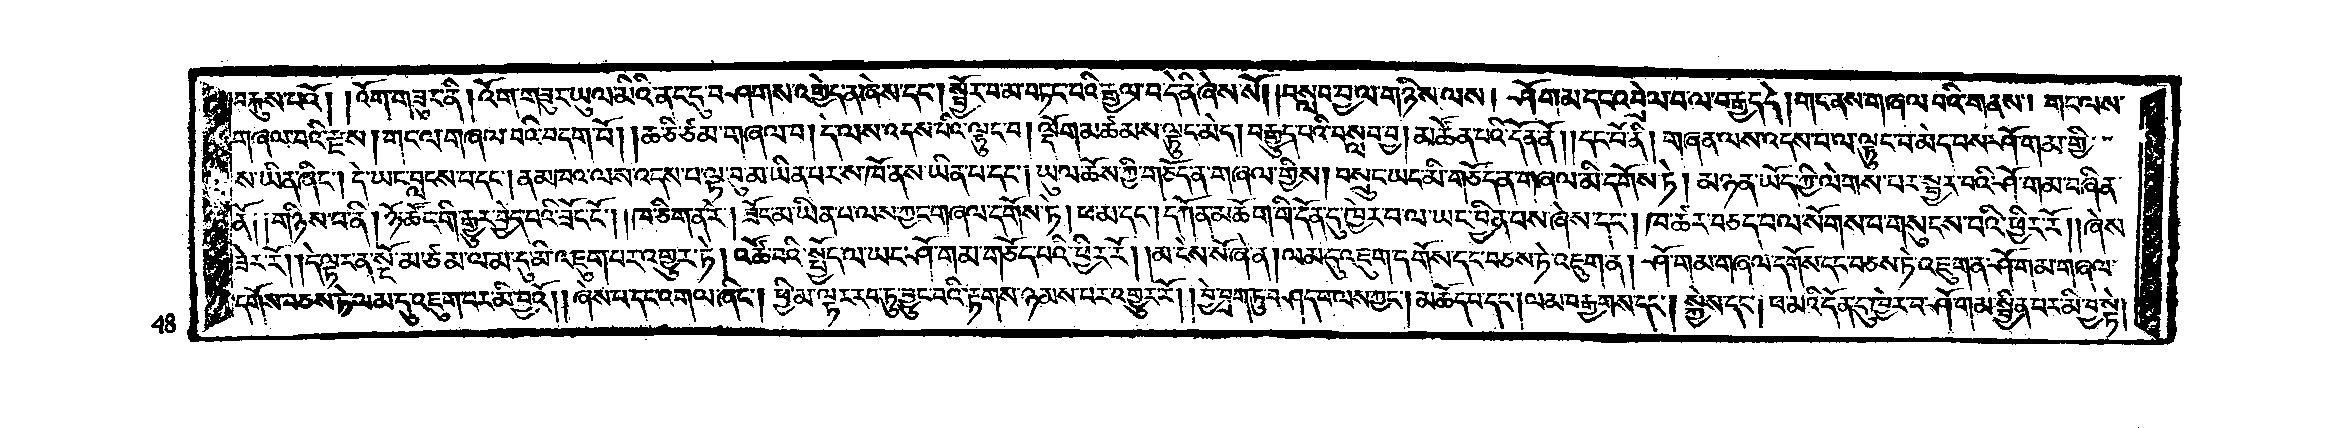བརྐུས་པའོ། །འོག་གཟུར་ནི། འོག་གཟུར་ཡུལ་མིའི་ནང་དུ་བཤགས་འགྱེད་ན་ཞེས་དང་། སྦྱོར་བ་མ་བཏང་པའི་རྒྱལ་བ་དེ་ནི་ཞེས་སོ། །བསླབ་བྱ་ལ་གཉིས་ལས། ཤོ་གམ་དང་འབྲེལ་བ་ལ་བརྒྱད་དེ། གང་ནས་གཞལ་བའི་གནས། གང་ལས་
གཞལ་བའི་རྫས། གང་ལ་གཞལ་བའི་བདག་པོ། །ཆ་ཅི་ཙམ་གཞལ་བ། དེ་ལས་འདས་པའི་ལྟུང་བ། ལྡོག་མཚམས་ལྟུང་མེད། བརྒྱུད་པའི་བསླབ་བྱ། མཚོན་པའི་དོན་ནོ། །དང་པོ་ནི། གཞན་ལས་འདས་པ་ལ་ལྟུང་བ་མེད་པས་ཤོ་གམ་གྱི་
ས་ཡིན་ཞིང་། དེ་ཡང་བླངས་པ་དང་། ནམ་མཁའ་ལས་འདས་པ་ལྟ་བུ་མ་ཡིན་པར་ས་ཁོ་ནས་ཡིན་པ་དང་། ཡུལ་ཆོས་ཀྱི་གཅོད་ན་གཞལ་གྱིས། བསྲུང་ཡང་མི་གཅོད་ན་གཞལ་མི་དགོས་ཏེ། མཉན་ཡོད་ཀྱི་ལེགས་པར་སྦྱར་བའི་ཤོ་གམ་བཞིན་
ནོ༑ ༑གཉིས་པ་ནི། ཉོ་ཚོང་གི་རྒྱུར་བྱེད་པའི་ཟོང་ངོ། །ཁ་ཅིག་ན་རེ། ཟོང་མ་ཡིན་པ་ལས་ཀྱང་གཞལ་དགོས་ཏེ། ཕ་མ་དང་། དཀོན་མཆོག་གི་དོན་དུ་ཁྱེར་བ་ལ་ཡང་བྱིན་པས་ཞེས་དང་། ཁ་ཚར་བཅད་པ་ལ་སོགས་པ་གསུངས་པའི་ཕྱིར་རོ། །ཞེས་
ཟེར་རོ། །དེ་ལྟར་ན་སྔོ་མ་ཙམ་ལམ་དུ་མི་འཇུག་པར་འགྱུར་ཏེ། འཚོ་བའི་སྤྱོད་ལ་ཡང་ཤོ་གམ་གཅོད་པའི་ཕྱིར་རོ། །མ་ངེས་སོ་ཞེ་ན། ལམ་དུ་འཇུག་དགོས་དང་བཅས་ཏེ་འཇུག་ན། ཤོ་གམ་གཞལ་དགོས་དང་བཅས་ཏེ་འཇུག་ན་ཤོ་གམ་གཞལ་
དགོས་བཅས་ཏེ་ལམ་དུ་འཇུག་པར་མི་བྱའོ། །ཞེས་པ་དང་འགལ་ཞིང་། ཕྱི་མ་ལྟར་རབ་ཏུ་བྱུང་བའི་རྟགས་ཉམས་པར་འགྱུར་རོ། །བྱེ་བྲག་ཏུ་བཤད་པ་ལས་ཀྱང་། མཆོད་པ་དང་། ལམ་བརྒྱགས་དང་། སྐྱེས་དང་། ཕ་མའི་དོན་དུ་ཁྱེར་བ་ཤོ་གམ་སྦྱིན་པར་མི་བྱ་སྟེ།